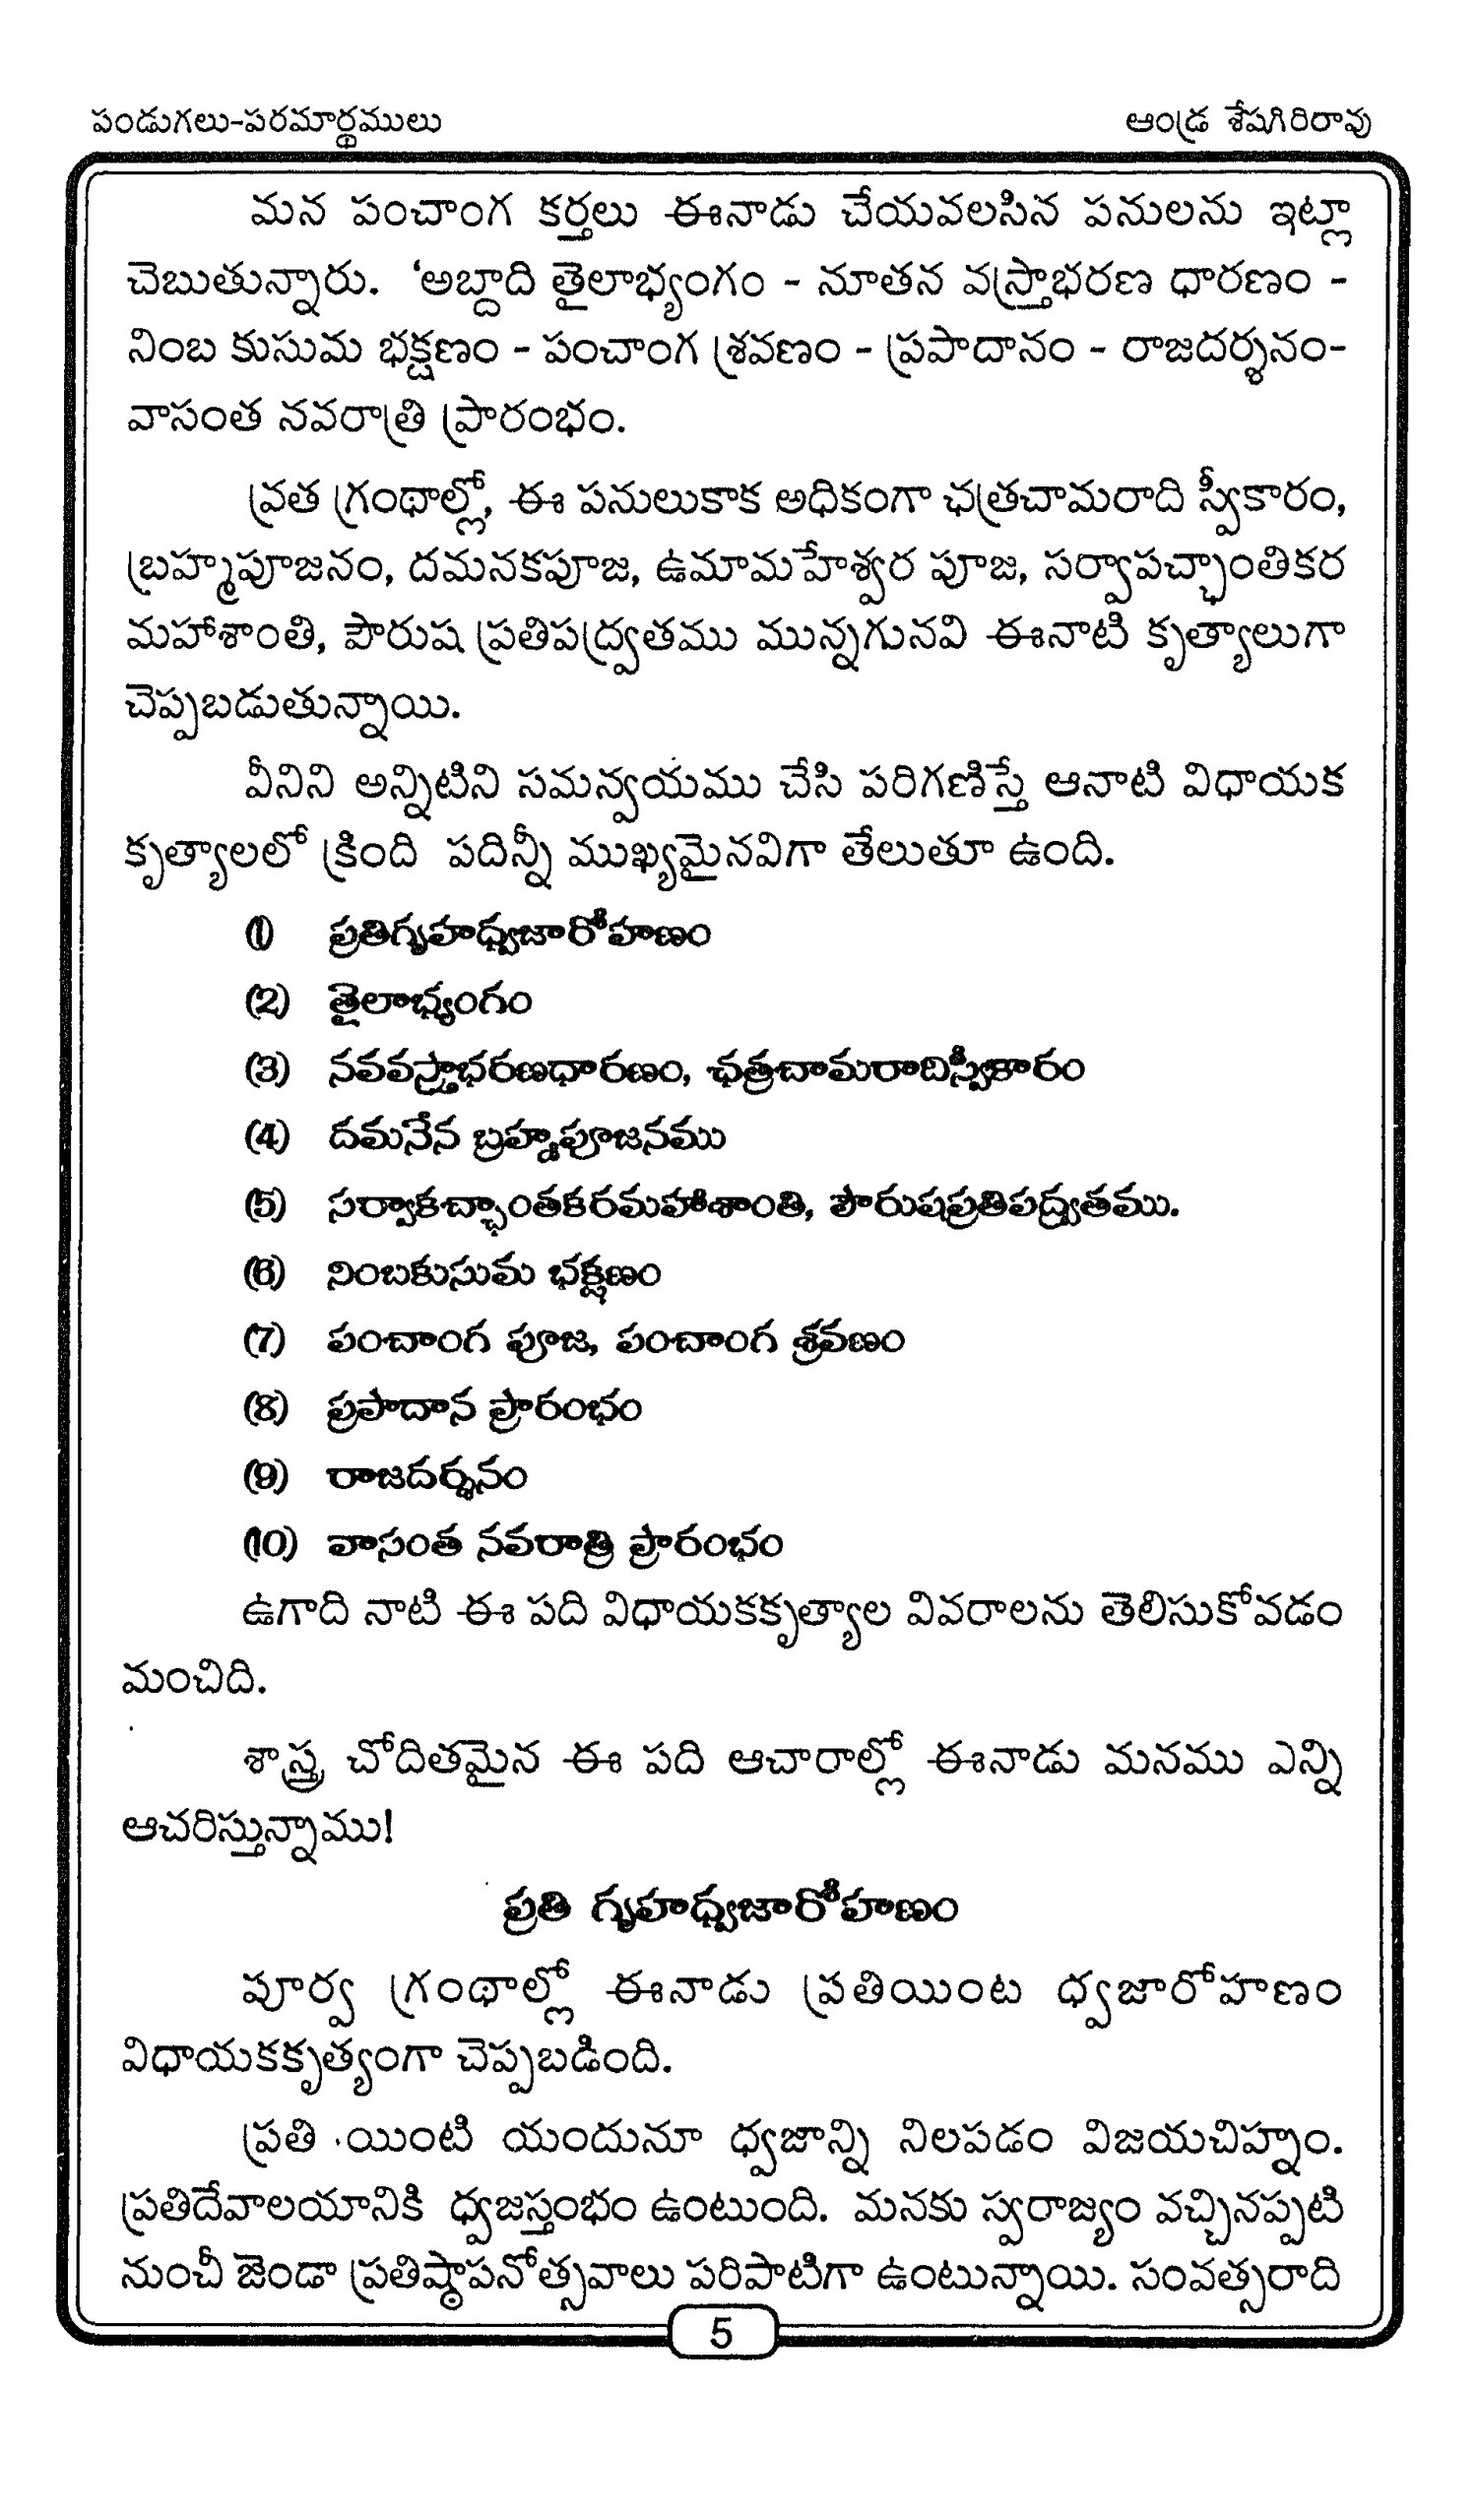మన పంచాంగ కర్తలు ఈనాడు చేయవలసిన పనులను ఇట్లా చెబుతున్నారు. 'అబ్దాది తైలాభ్యంగం - నూతన వస్త్రాభరణ ధారణం - నింబ కుసుమ భక్షణం - పంచాంగ శ్రవణం - ప్రపాదానం - రాజదర్శనం - వాసంత నవరాత్రి ప్రారంభం.
 వ్రత గ్రంధాల్లో ఈ పనులుకాక అధికంగా చత్రచామరాది స్వీకారం, బ్రహ్మపూజనం, దమనకపూజ, ఉమామహెశ్వర పూజ, సర్వాపచ్చాజ్ంతికధ, మహాశాంతి, పౌరుష ప్రతిపద్వ్రతము మున్నగునవి ఈనాటి కృత్యాలుగా చెప్పబడుతున్నాయి.
 వీనిని అన్నిటిని సమన్వయం చేసి పరిగణిస్తే ఆనాటి విధాయక కృత్యాలలో క్రింది పదిన్నీ ముఖ్యమైనవిగా తేలుతూ ఉంది.
 (1) ప్రతిగృహధ్యజారోహణం
 (2) తైలాభ్యంగం
 (3) నవవస్త్రాభరణధారణం, చత్య్రభామరాదిస్వీకారం
 (4) దమనేన బ్రంహపూజనము
 (5) సర్వాకచ్చాంతకరాహాశాంతి, పౌర్షప్రతిపద్ర్యము.
 (6) నింబకుసుమ భక్షణం
 (7) పంచాంగ పూజ, పంచాంగ శ్రవణం
 (8) ప్రపాదాన ప్రారంభం
 (9) రాజదర్శనం
 (10) వాసంత నవరాత్రి ప్రారంభం
 ఉగాది నాటి ఈ పది విధాయకిఅకృత్యాల వివరాలను తెలిసుకోవడం మంచిది.
 శాస్త్ర చొదితమైన ఈ పది ఆచారాల్లో ఈనాడు మనము ఎన్ని ఆచరిస్తున్నాము!
 ప్రతి గృహధ్వజారోహణం
 పూర్వ గ్రంధాల్లో ఈనాడు ప్రతియింట ధ్వజారోహణం విధాయకకృత్యంగా చెప్పబడింది.
 ప్రతి యింటి యందునూ ధ్వజాన్ని నిలపడం విజయచిహ్నం, ప్రతిదేవాలయానికి ధ్వజస్తంభం ఉంటుంది. మనకు స్వరాజ్యం వచ్చినప్పటి నుంచీ జెండా ప్రత్రిష్టాపనోత్స్దవాలు పరిపాటిగా ఉంటున్నాయి. సంవత్సరాది